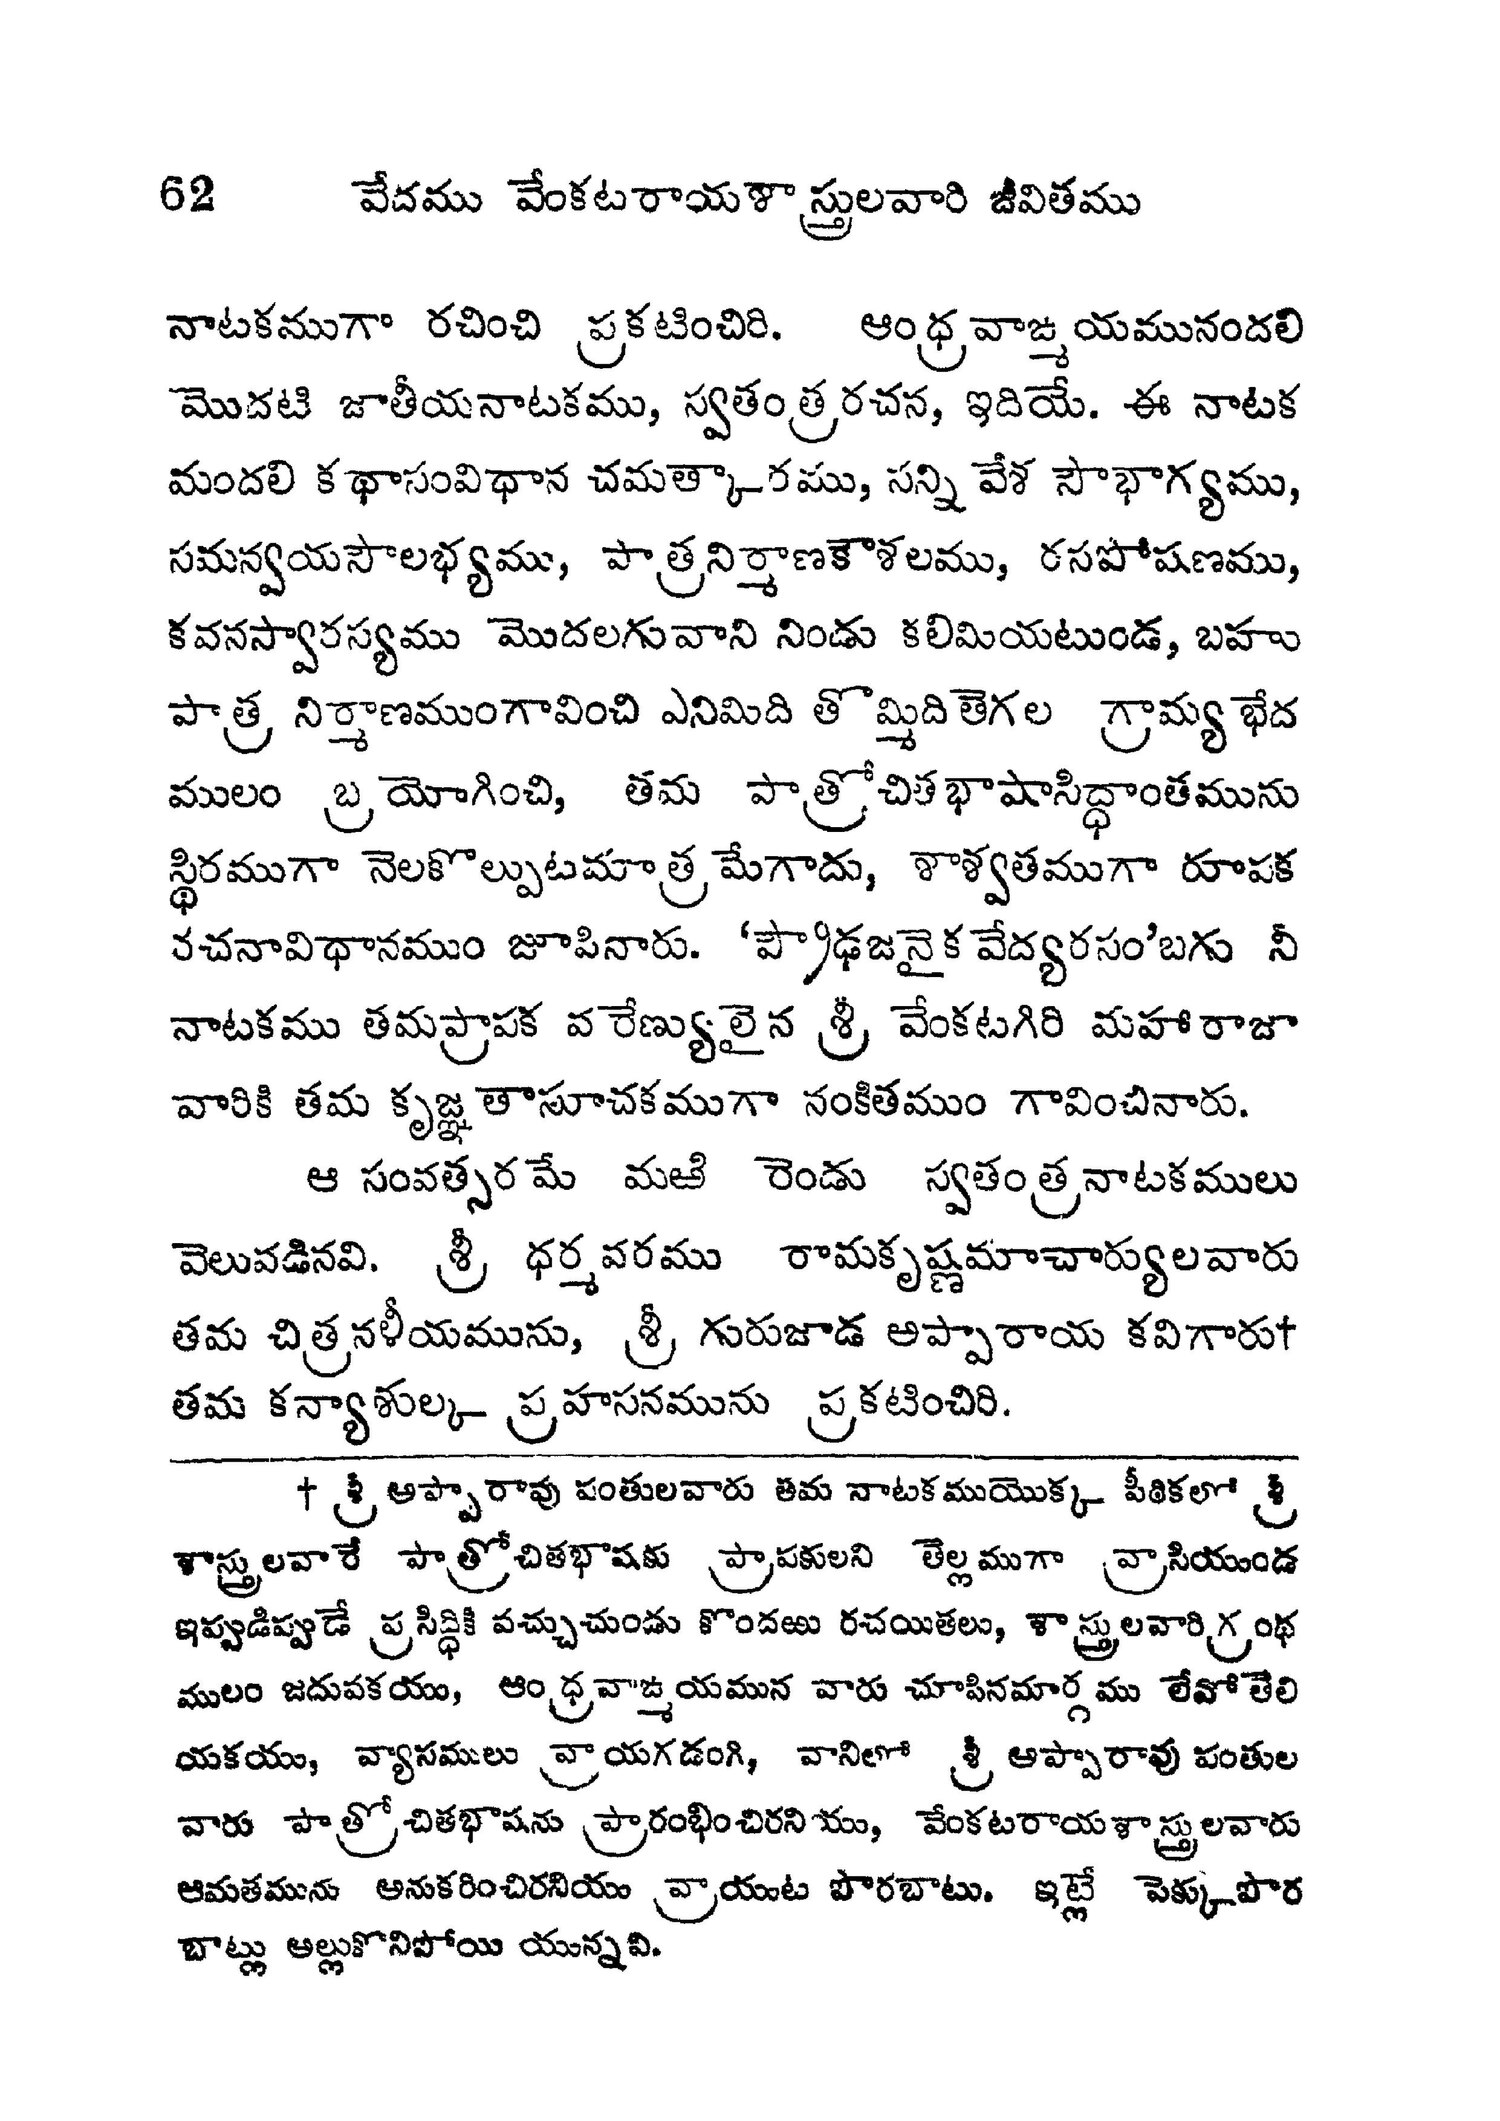నాటకముగా రచించి ప్రకటించిరి. ఆంధ్రవాఙ్మయమునందలి మొదటి జాతీయనాటకము, స్వతంత్రరచన, ఇదియే. ఈ నాటకమందలి కథాసంవిథాన చమత్కారము, సన్నివేశ సౌభాగ్యము, సమన్వయసాలభ్యము, పాత్రనిర్మాణకౌశలము, రసపోషణము, కవనస్వారస్యము మొదలగువాని నిండు కలిమియటుండ, బహుపాత్ర నిర్మాణముంగావించి ఎనిమిది తొమ్మిదితెగల గ్రామ్యభేదములం బ్రయోగించి, తమ పాత్రోచితభాషాసిద్ధాంతమును స్థిరముగా నెలకొల్పుట మాత్రమేగాదు, శాశ్వతముగా రూపకవచనా విధానముం జూపినారు. 'ప్రౌడజనైకవేద్యరసం'బగు నీ నాటకము తమప్రాపక వరేణ్యులైన శ్రీ వేంకటగిరి మహారాజా వారికి తమ కృతజ్ఞతాసూచకముగా నంకితముం గావించినారు.

ఆ సంవత్సరమే మఱి రెండు స్వతంత్రనాటకములు వెలువడినవి. శ్రీ ధర్మవరము రామకృష్ణమాచార్యులవారు తమ చిత్రనళీయమును, శ్రీ గురుజాడ అప్పారాయ కవిగారు+ తమ కన్యాశుల్క ప్రహసనమును ప్రకటించిరి.

_______________________________________________________

+ శ్రీ అప్పారావు పంతులవారు తమ నాటకముయొక్క పీఠికలో శ్రీ శాస్త్రులవారే పాత్రోచితభాషకు ప్రాపకులని తెల్లముగా వ్రాసియుండ ఇప్పుడిప్పుడే ప్రసిద్ధికి వచ్చుచుండు కొందఱు రచయితలు, శాస్త్రులవారి గ్రంథములం జదువకయు, ఆంధ్రవాఙ్మయమున వారు చూపినమార్గము లేవోతెలియకయు, వ్యాసములు వ్రాయగడంగి, వానిలో శ్రీ అప్పారావు పంతులవారు పాత్రోచితభాషను ప్రారంభించిరనియు, వేంకటరాయశాస్త్రులవారు ఆమతమును అనుకరించిరనియు వ్రాయుట పొరబాటు. ఇట్లే పెక్కుపొరబాట్లు అల్లుకొనిపోయి యున్నవి.